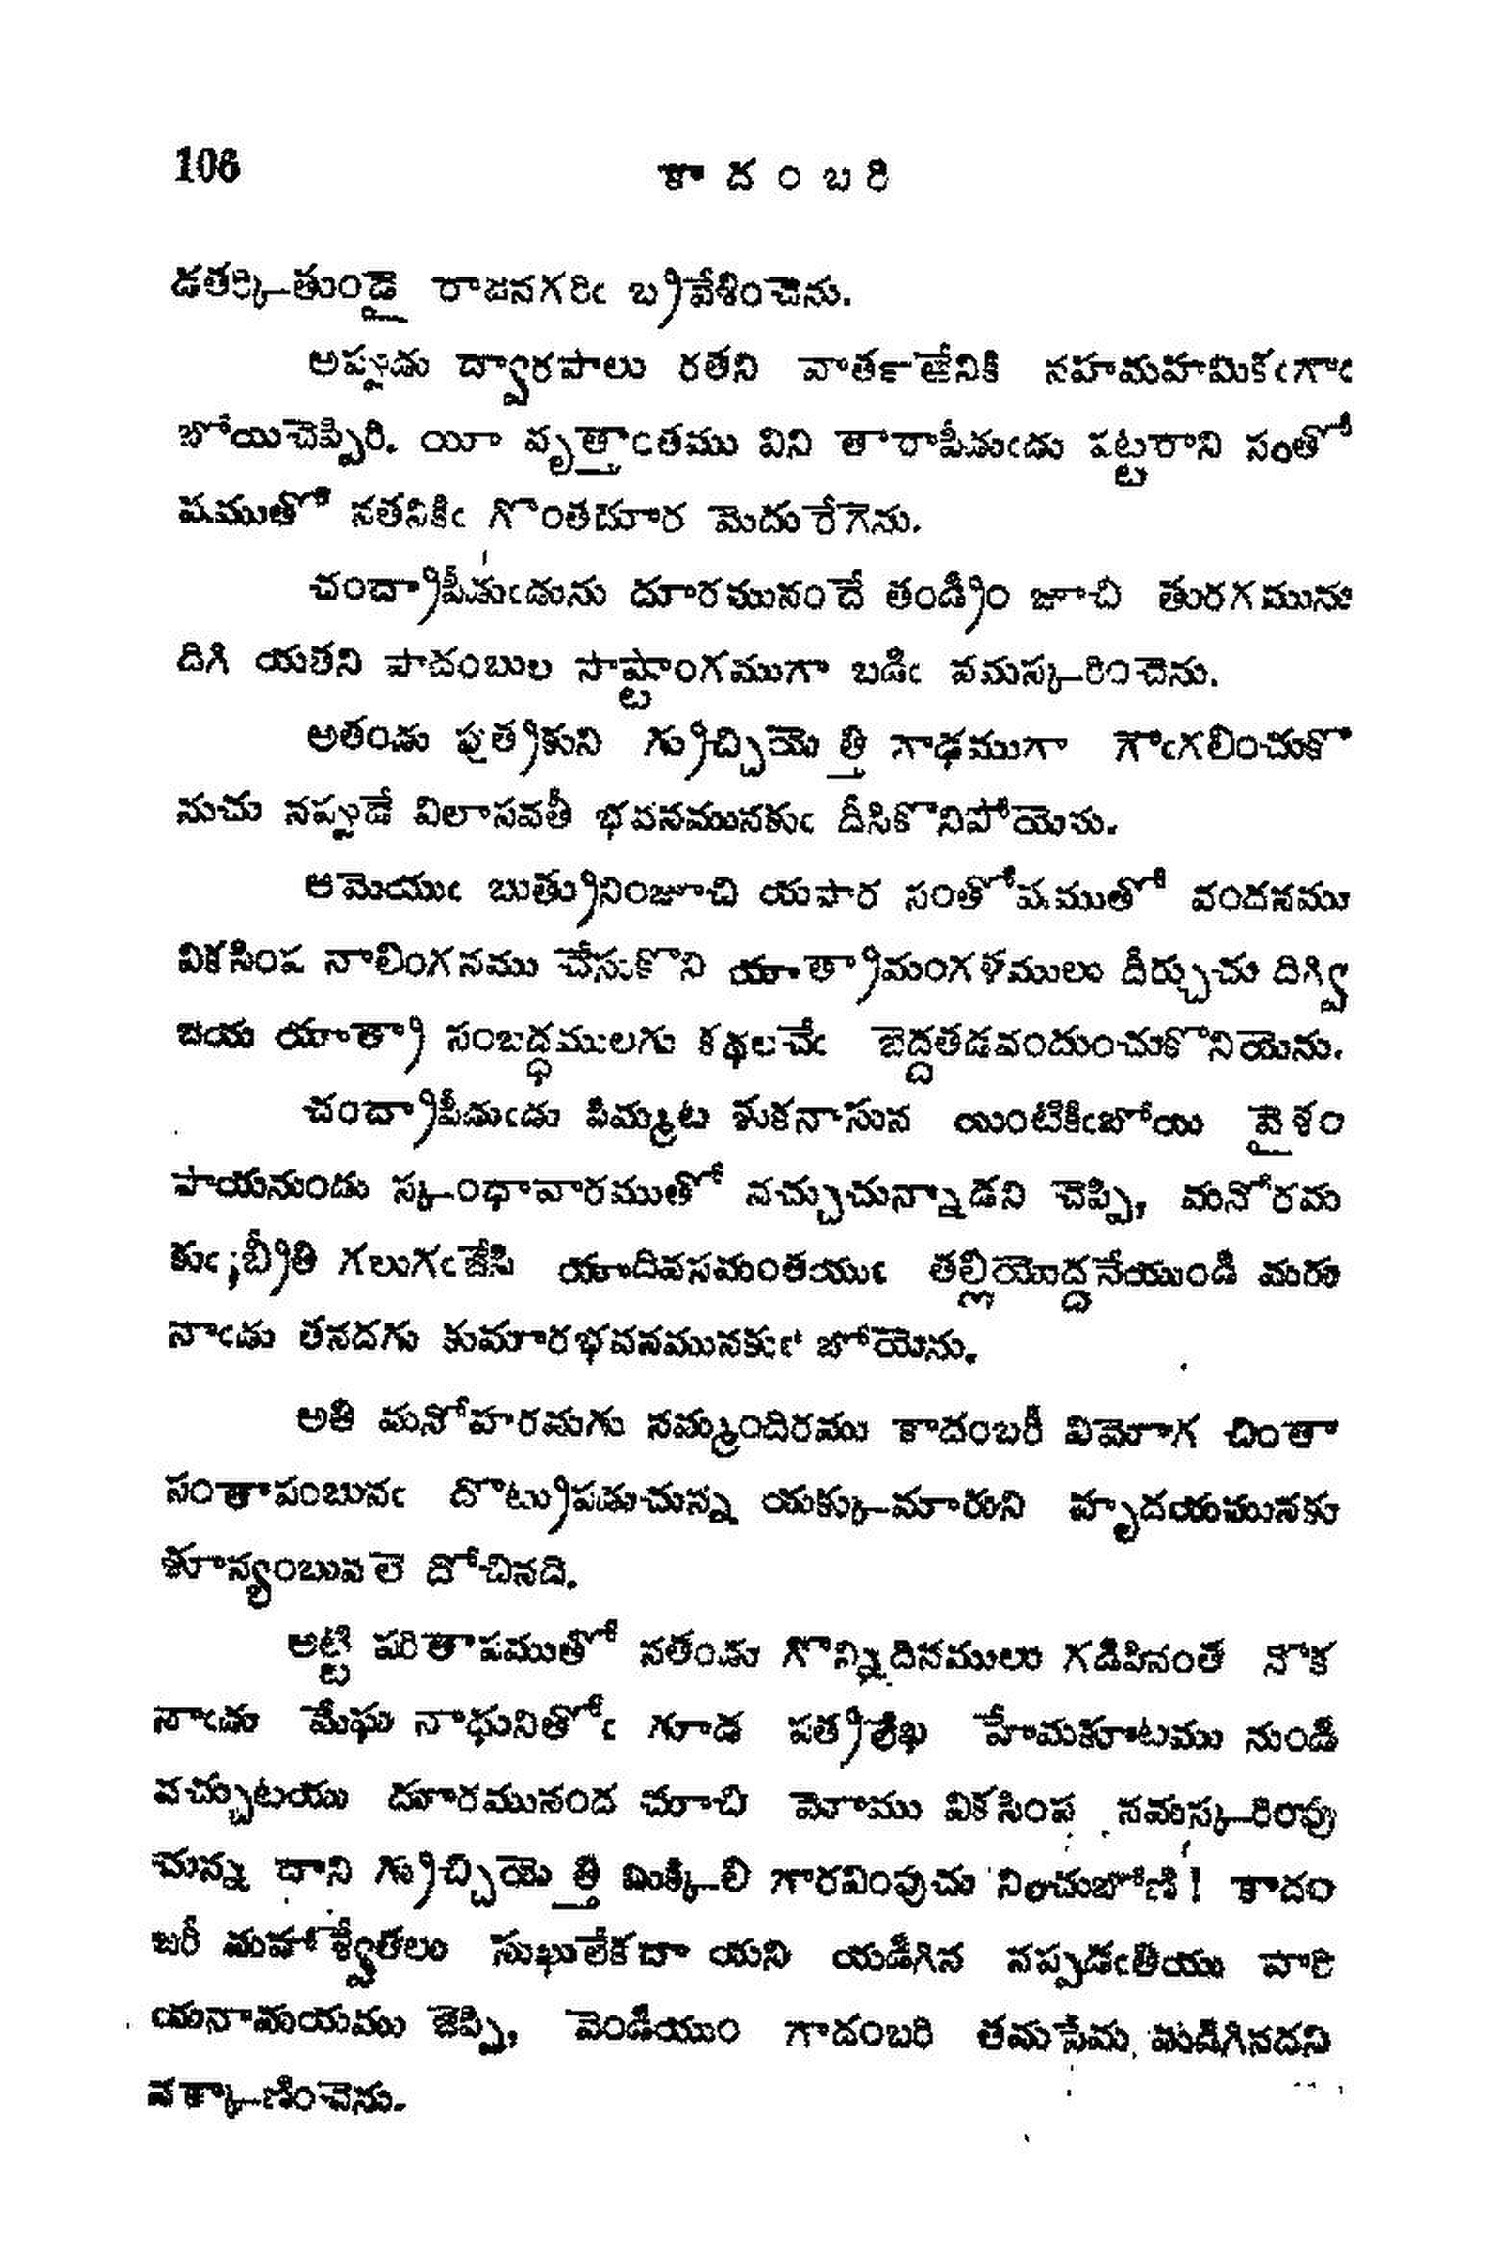డతర్కితుండై రాజనగరిఁ బ్రవేశించెను.

అప్పుడు ద్వారపాలు రతని వాత౯ఱేనికి సహమహమికఁగాఁ బోయిచెప్పిరి. యీ వృత్తాంతము విని తారాపీడుఁడు పట్టరాని సంతోషముతో నతనికిఁ గొంతదూర మెదురేగెను.

చంద్రాపీడుఁడును దూరమునందే తండ్రిం జూచి తురగమును దిగి యతని పాదంబుల సాష్టాంగముగా బడిఁ నమస్కరించెను.

అతండు పుత్రకుని గ్రుచ్చియెత్తి గాఢముగా గౌఁగలించుకొనుచు నప్పుడే విలాసవతీ భవనమునకుఁ దీసికొనిపోయెను.

ఆమెయుఁ బుత్రునింజూచి యపార సంతోషముతో వదనము వికసింప నాలింగనము చేసుకొని యాత్రామంగళములు దీర్చుచు దిగ్విజయ యాత్రా సంబద్ధములగు కథలచేఁ బెద్దతడవందుంచుకొనియెను.

చంద్రాపీడుఁడు పిమ్మట శుకనాసున యింటికిఁబోయి వైశంపాయనుండు స్కంథావారముతో వచ్చుచున్నాడని చెప్పి, మనోరమకుఁ,బ్రీతి గలుగఁజేసి యాదివసమంతయుఁ తల్లియొద్దనేయుండి మరునాఁడు తనదగు కుమారభవనమునకుఁ బోయెను.

అతి మనోహరమగు నమ్మందిరము కాదంబరీ వియోగ చింతా సంతాపంబునఁ దొట్రుపడుచున్న యక్కుమారుని హృదయమునకు శూన్యంబువలె దోచినది.

అట్టి పరితాపముతో నతండు గొన్నిదినములు గడిపినంత నొకనాఁడు మేఘ నాధునితోఁ గూడ పత్రలేఖ హేమకూటము నుండి వచ్చుటయు దూరమునంద చూచి మోము వికసింప నమస్కరింపుచున్న దాని గ్రుచ్చియెత్తి మిక్కిలి గారవింపుచు నించుబోణి! కాదంబరీ మహాశ్వేతలు సుఖులేకదా యని యడిగిన నప్పడఁతియు వారి యనామయము జెప్పి, వెండియుం గాదంబరి తమసేమ మడిగినదని వక్కాణించెను.